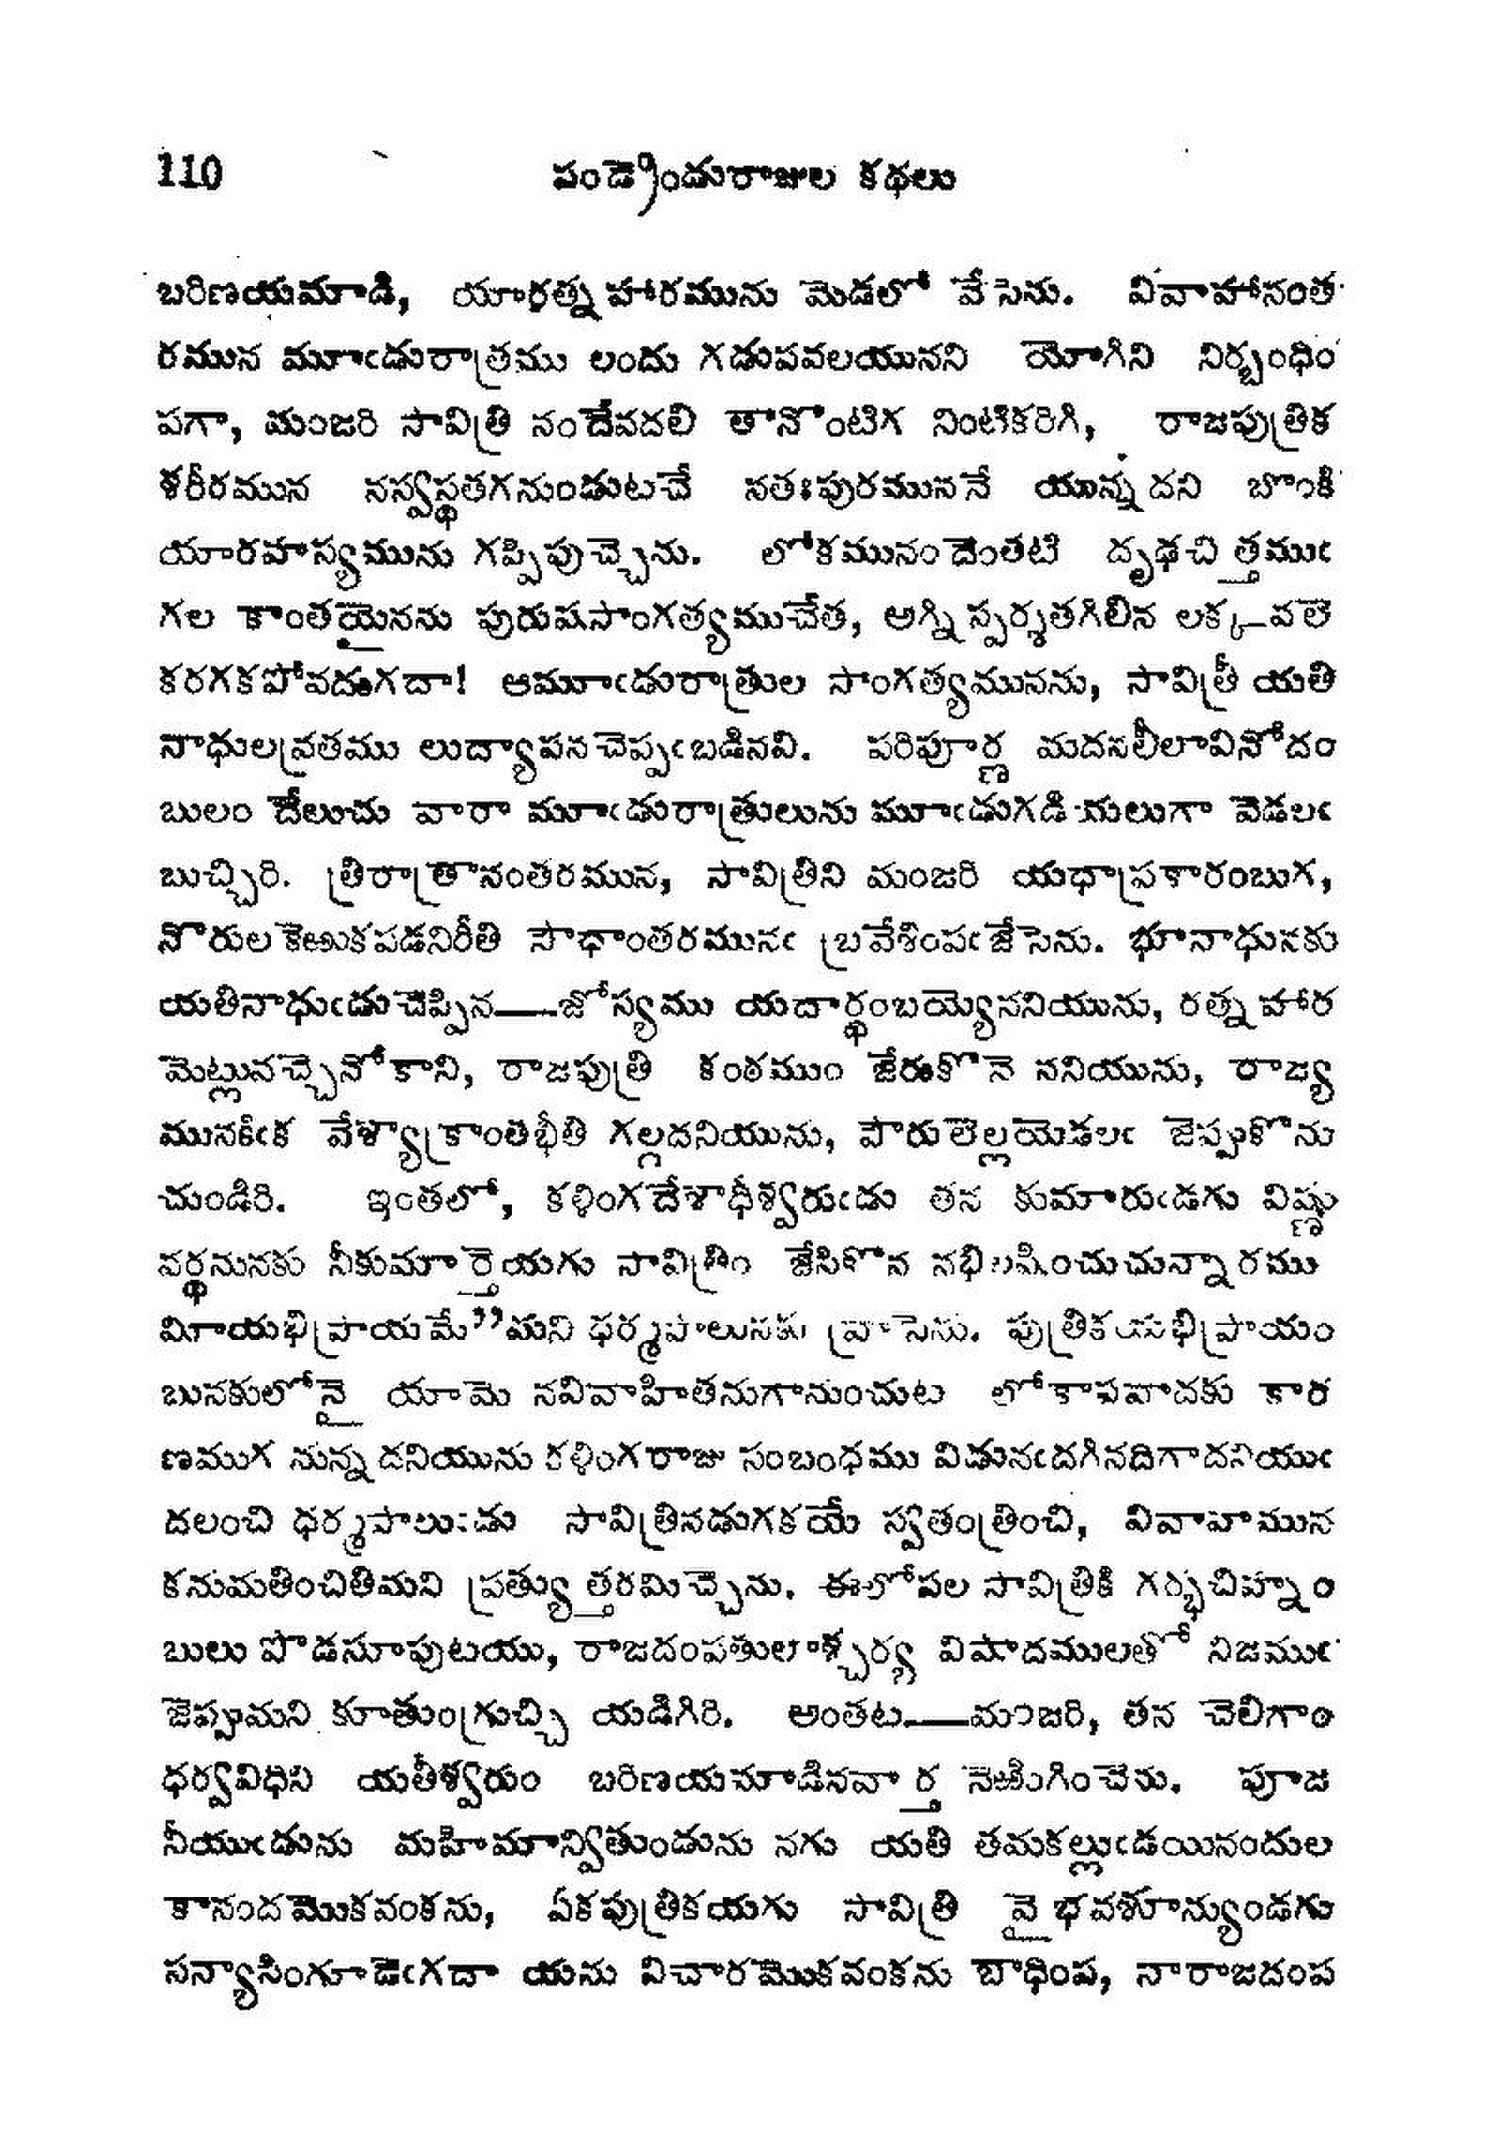బరిణయమాడి, యారత్నహారమును మెడలో వేసెను. వివాహానంతరమున మూఁడురాత్రము లందు గడుపవలయునని
యోగిని నిర్బంధింపగా, మంజరి సావిత్రి నందే వదలి తానొంటిగ నింటి కరిగి, రాజపుత్రిక శరీరమున నస్వస్థతగ నుండుటచే నతఃపురముననే యున్నదని బొంకి యారహస్యమును గప్పిపుచ్చెను. లోకమునందెంతటి దృఢచిత్తముఁ
గల కాంతయైనను పురుషసాంగత్యముచేత, అగ్ని స్పర్శతగిలిన లక్కవలె కరగకపోవదుగదా! ఆమూఁడురాత్రుల సాంగత్యమునను, సావిత్రీ యతినాధులవ్రతము లుద్యాపన చెప్పఁ బడినవి. పరిపూర్ణ మదనలీలావినోదంబులం దేలుచు వారా మూఁడురాత్రులును మూఁడుగడియలుగా వెడలఁబుచ్చిరి. త్రిరాత్రానంతరమున, సావిత్రిని మంజరి యధాప్రకారంబుగ, నొరుల కెఱుక పడనిరీతి సౌధాంతరమునఁ బ్రవేశింపఁ జేసెను. భూనాధునకు యతినాధుఁడు చెప్పిన——జోస్యము యదార్థంబయ్యె ననియును, రత్నహార మెట్లువచ్చేనో కానీ, రాజపుత్రి కంఠముం జేరుకొనె ననియును, రాజ్య
మునకిఁక వేశ్యాక్రాంత భీతి గల్లదనియును, పౌరు లెల్లయెడలఁ జెప్పుకొనుచుండిరి. ఇంతలో, కళింగ దేశాధీశ్వరుఁడు తన కుమారుఁడగు విష్ణువర్ధనునకు నీకుమార్తెయగు సావిత్రిం జేసికొన నభిలషించుచున్నారము మీయభిప్రాయమే "మని ధర్మపాలునకు వ్రాసెను. పుత్రిక యభిప్రాయంబునకులోనై యామె నవివాహితనుగా నుంచుట లోకాపవాదకు కారణముగ నున్న దనియును కళింగరాజు సంబంధము విడువఁదగినదిగాదనియుఁ దలంచి ధర్మపాలుడు సావిత్రినడుగకయే స్వతంత్రించి, వివాహమున కనుమతించితిమని ప్రత్యుత్తరమిచ్చెను. ఈలోపల సావిత్రికి గర్భచిహ్నంబులు పొడసూపుటయు, రాజదంపతులాశ్చర్య విషాదములతో నిజముఁ జెప్పుమని కూతుంగ్రుచ్చి యడిగిరి. అంతట——మంజరి, తన చెలిగాం ధర్వవిధిని యతీశ్వరుం బరిణయమాడినవార్త నెఱింగించెను. పూజనీయుఁడును మహిమాన్వితుండును నగు యతి తమకల్లుఁడయినందుల కానందమొకవంకను, ఏకపుత్రిక యగు సావిత్రి వైభవశూన్యుండగు సన్యాసింగూడెఁగదా యను విచార మొకవంకను బాధింప, నారాజదంప